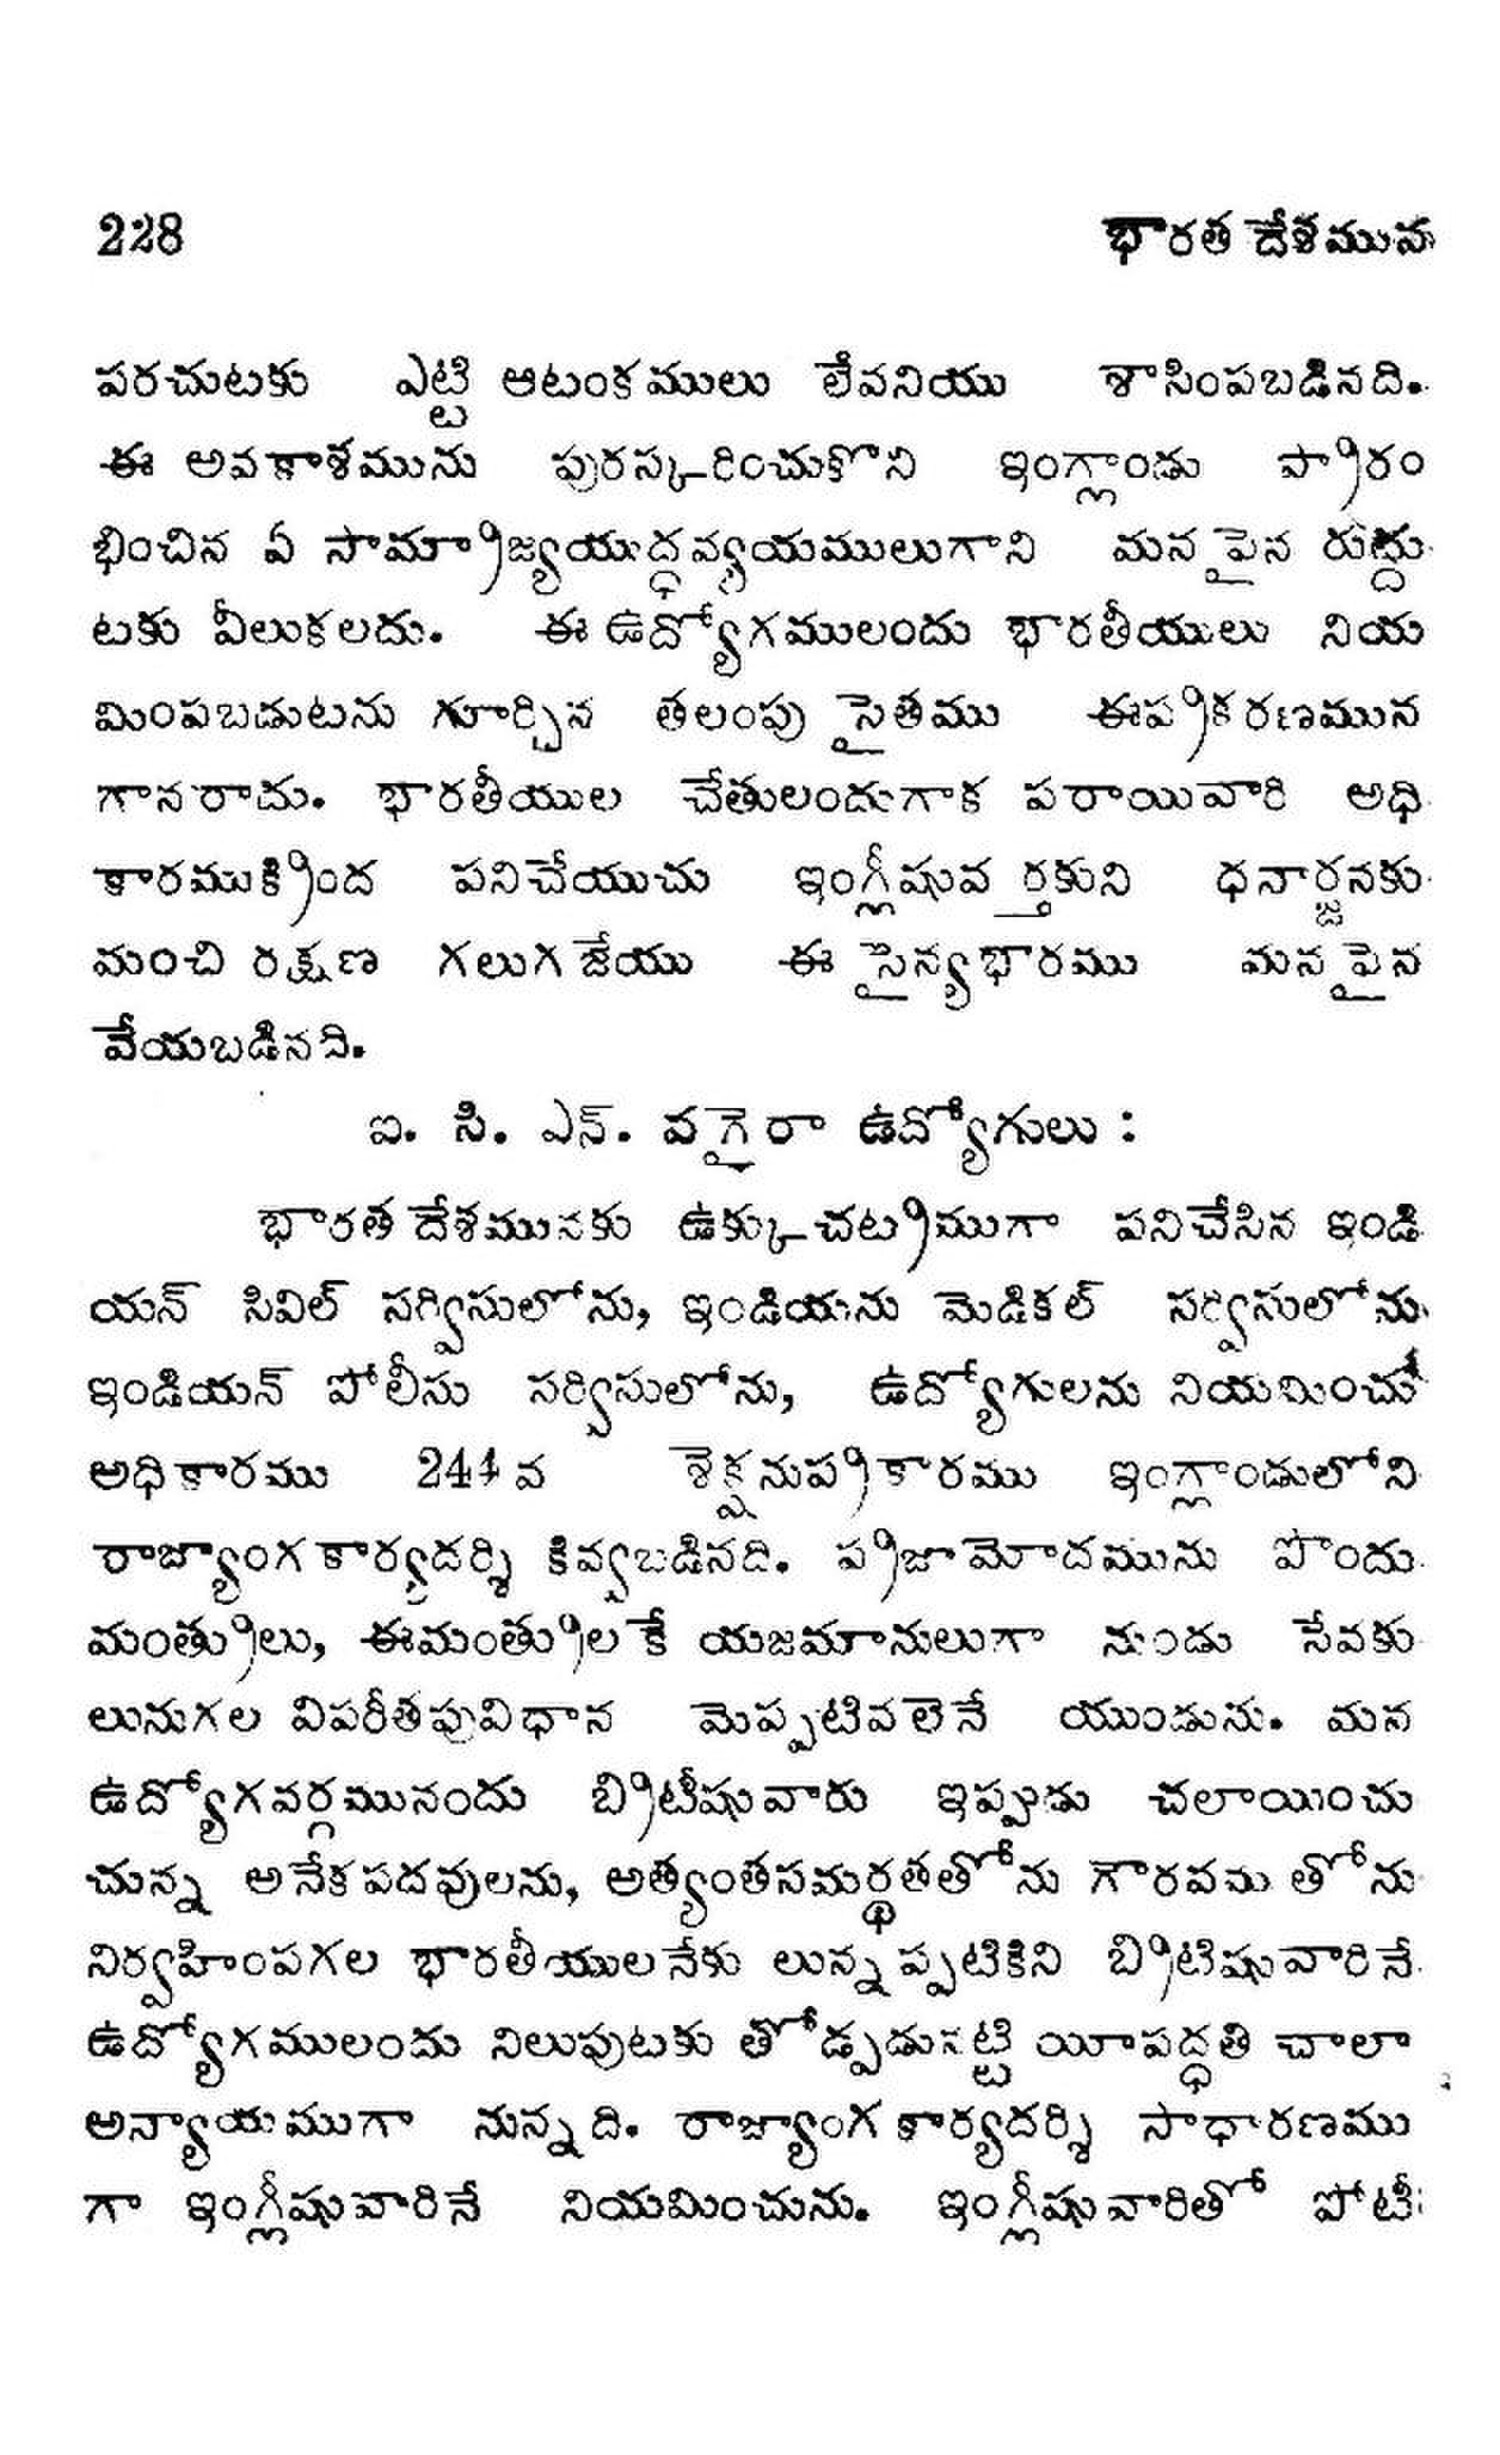పరచుటకు ఎట్టి ఆటంకములు లేవనియు శాసింపబడినది. ఈ అవకాశమును పురస్కరించుకొని ఇంగ్లాండు ప్రారంభించిన ఏ సామ్రాజ్యయుద్దవ్యయములుగాని మనపైన రుద్దుటకు వీలుకలదు. ఈ ఉద్యోగములందు భారతీయులు నియమింపబడుటను గూర్చిన తలంపు సైతము ఈప్రకరణమున గానరాదు. భారతీయుల చేతులందుగాక పరాయివారి అధికారముక్రింద పనిచేయుచు ఇంగ్లీషువర్తకుని ధనార్జనకు మంచి రక్షణ గలుగజేయు ఈ సైన్యభారము మనపైన వేయబడినది.

ఐ. సి. ఎస్. వగైరా ఉద్యోగులు :

భారతదేశమునకు ఉక్కు చట్రముగా పనిచేసిన ఇండియన్ సివిల్ సర్విసులోను, ఇండియను మెడికల్ సర్విసులోను ఇండియన్ పోలీసు సర్వీసులోను, ఉద్యోగులను నియమించు అధికారము 244 వ శెక్షనుప్రకారము ఇంగ్లాండులోని రాజ్యాంగకార్యదర్శి కివ్వబడినది. ప్రజామోదమును పొందు మంత్రులు, ఈమంత్రులకే యజమానులుగా నుండు సేవకులునుగల విపరీతపువిధాన మెప్పటివలెనే యుండును. మన ఉద్యోగవర్గమునందు బ్రిటీషువారు ఇప్పుడు చలాయించుచున్న అనేకపదవులను, అత్యంత సమర్థతతోను గౌరవముతోను నిర్వహింపగల భారతీయులనేకు లున్నప్పటికిని బ్రిటిషువారినే ఉద్యోగములందు నిలుపుటకు తోడ్పడునట్టి యీపద్ధతి చాలా అన్యాయముగా నున్నది. రాజ్యాంగకార్యదర్శి సాధారణముగా ఇంగ్లీషువారినే నియమించును. ఇంగ్లీషువారితో పోటీ